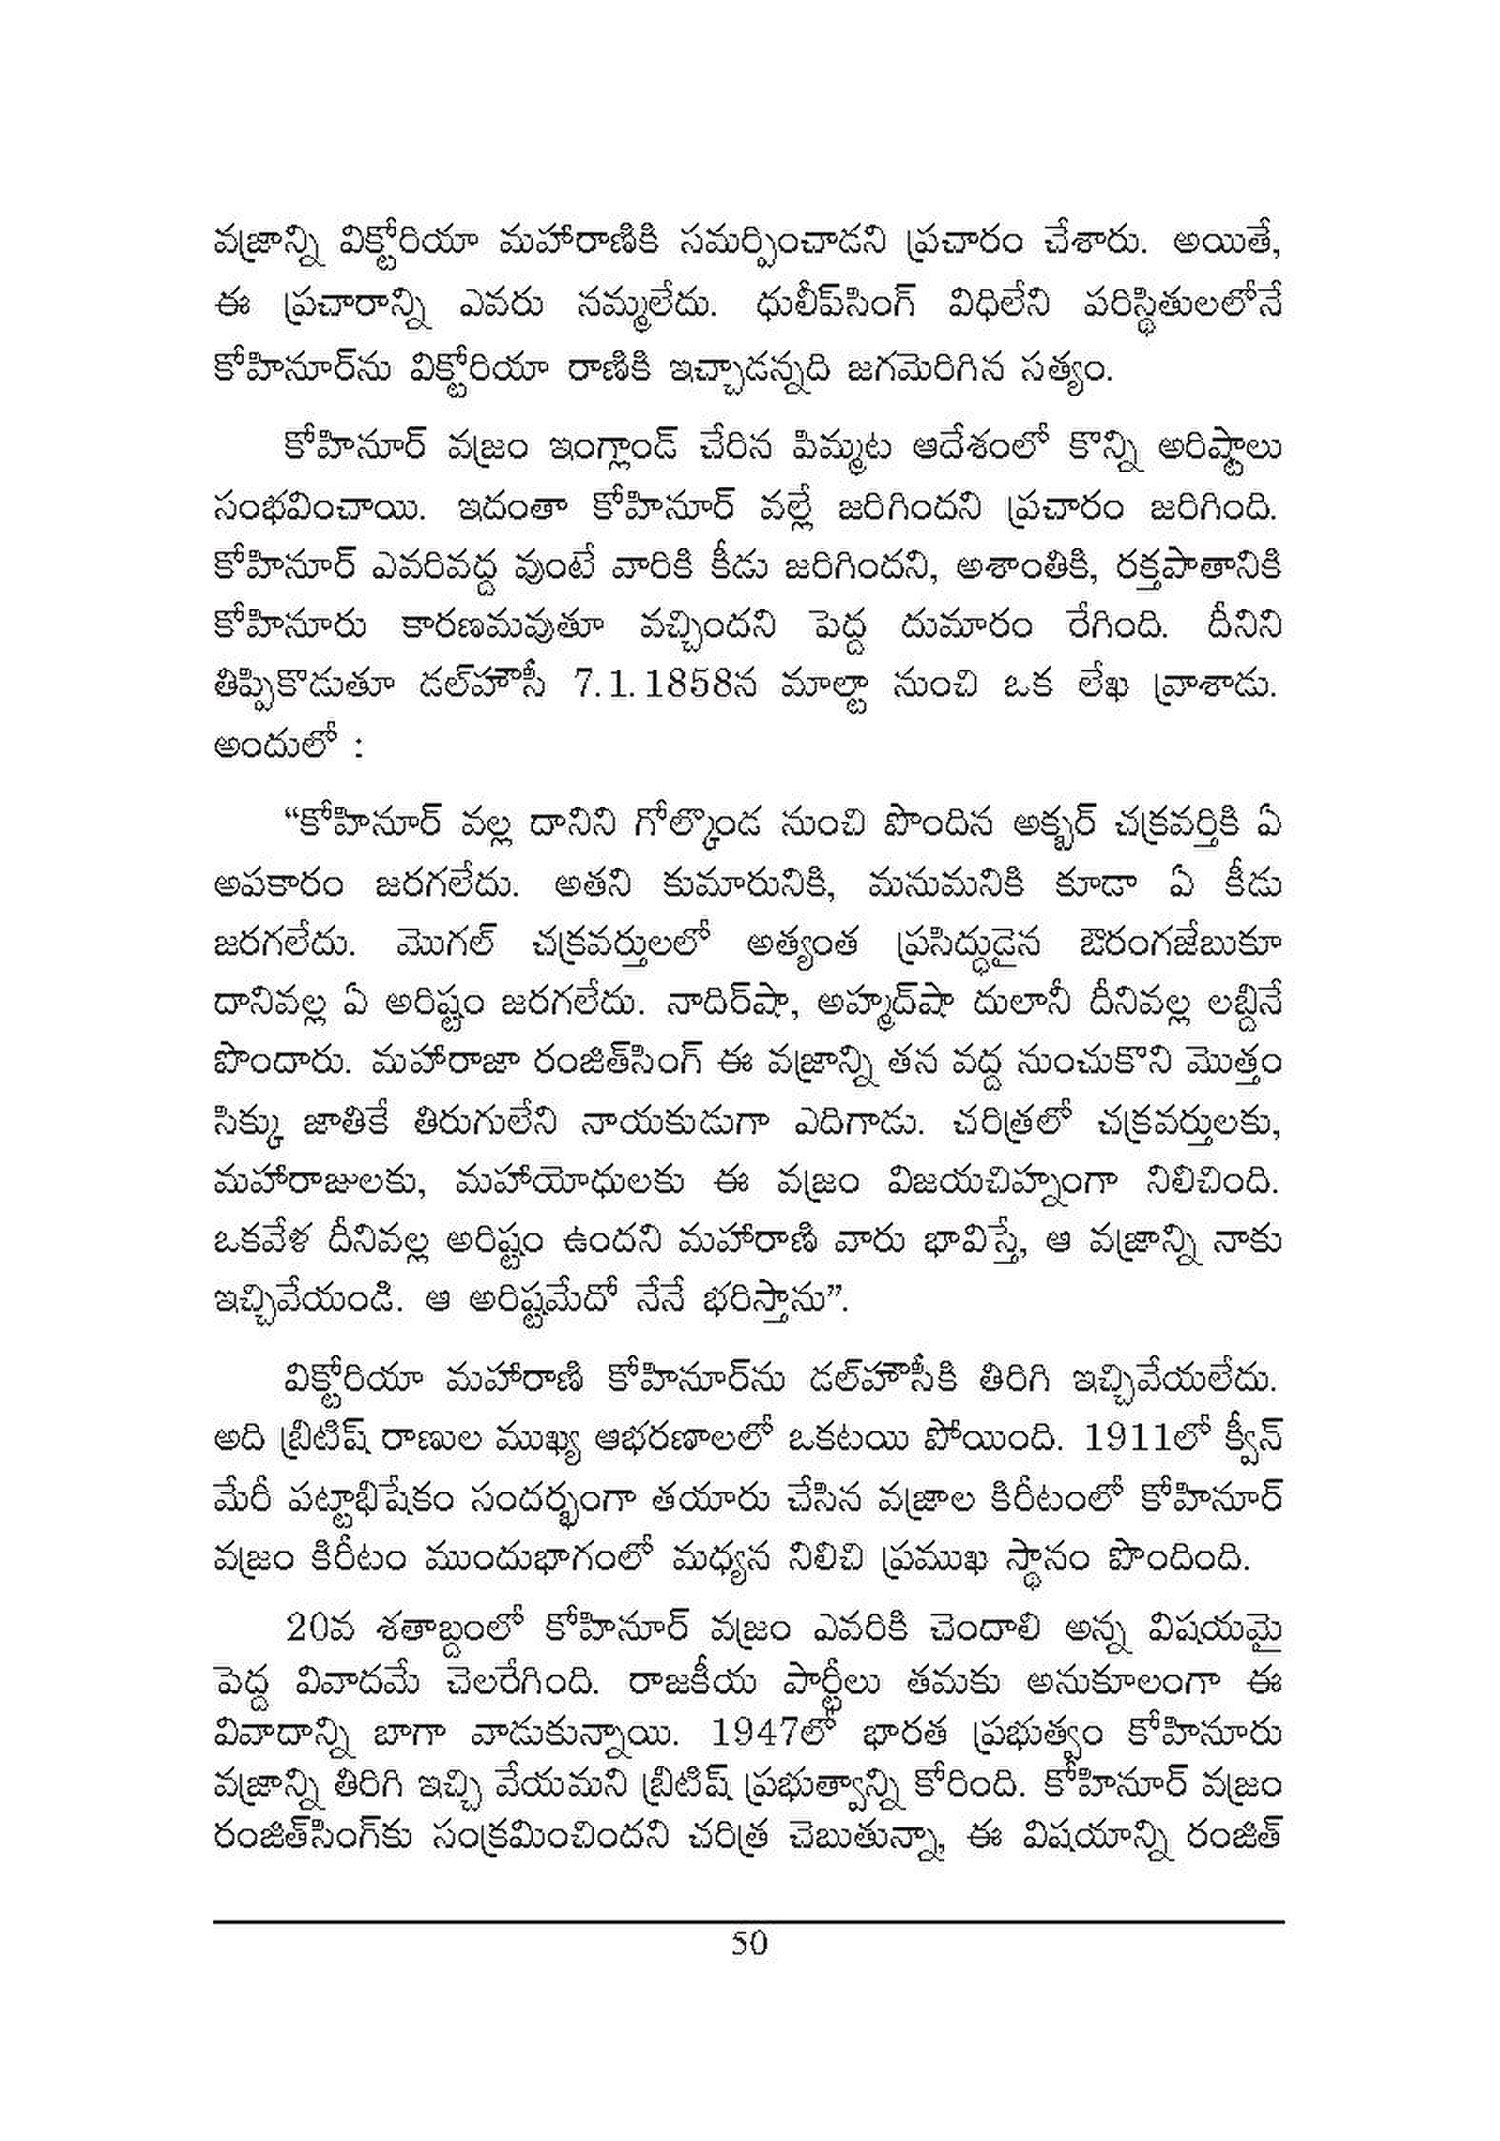వజ్రాన్ని విక్టోరియా మహారాణికి సమర్పించాడని ప్రచారం చేశారు. అయితే, ఈ ప్రచారాన్ని ఎవరు నమ్మలేదు. ధులీప్సింగ్ విధిలేని పరిస్థితులలోనే కోహినూనూర్ ను విక్టోరియా రాణికి ఇచ్చాడన్నది జగమెరిగిన సత్యం.

కోహినూర్ వజ్రం ఇంగ్లాండ్ చేరిన పిమ్మట ఆదేశంలో కొన్ని అరిష్టాలు సంభవించాయి. ఇదంతా కోహినూర్ వల్లే జరిగిందని ప్రచారం జరిగింది. కోహినూర్ ఎవరివద్ద వుంటే వారికి కీడు జరిగిందని, అశాంతికి, రక్తపాతానికి కోహినూరు కారణమవుతూ వచ్చిందని పెద్ద దుమారం రేగింది. దీనిని తిప్పికొడుతూ డల్‌హౌసీ 7.1.1858న మాల్టా నుంచి ఒక లేఖ వ్రాశాడు. అందులో :

"కోహినూర్ వల్ల దానిని గోల్కొండ నుంచి పొందిన అక్బర్ చక్రవర్తికి ఏ అపకారం జరగలేదు. అతని కుమారునికి, మనుమనికి కూడా ఏ కీడు జరగలేదు. మొగల్ చక్రవర్తులలో అత్యంత ప్రసిదుడైన ఔరంగజేబుకూ దానివల్ల ఏ అరిష్టం జరగలేదు. నాదిర్షా, అహ్మద్షా దులానీ దీనివల్ల లబ్దినే పొందారు. మహారాజా రంజిత్సింగ్ ఈ వజ్రాన్ని తన వద్ద నుంచుకొని మొత్తం సిక్కు జాతికే తిరుగులేని నాయకుడుగా ఎదిగాడు. చరిత్రలో చక్రవర్తులకు, మహారాజులకు, మహాయోధులకు ఈ వజ్రం విజయచిహ్నంగా నిలిచింది. ఒకవేళ దీనివల్ల అరిష్టం ఉందని మహారాణి వారు భావిస్తే, ఆ వజ్రాన్ని నాకు ఇచ్చివేయండి. అరిష్టమేదో నేనే భరిస్తాను".

విక్టోరియా మహారాణి కోహినూర్‌ను డల్హౌసీకి తిరిగి ఇచ్చివేయలేదు. అది బ్రిటిష్ రాణుల ముఖ్య ఆభరణాలలో ఒకటయి పోయింది. 1911లో క్వీన్ మేరీ పట్టాభిషేకం సందర్భంగా తయారు చేసిన వజ్రాల కిరీటంలో కోహినూర్ వజ్రం కిరీటం ముందుభాగంలో మధ్యన నిలిచి ప్రముఖ స్థానం పొందింది.

20వ శతాబ్దంలో కోహినూర్ వజ్రం ఎవరికి చెందాలి అన్న విషయమై పెద్ద వివాదమే చెలరేగింది. రాజకీయ పార్టీలు తమకు అనుకూలంగా ఈ వివాదాన్ని బాగా వాడుకున్నాయి. 1947లో భారత ప్రభుత్వం కోహినూరు వజ్రాన్ని తిరిగి ఇచ్చి వేయమని బ్రిటిష్ ప్రభుత్వాన్ని కోరింది. కోహినూర్ వజ్రం రంజిత్సింగ్కు సంక్రమించిందని చరిత్ర చెబుతున్నా ఈ విషయాన్ని రంజిత్